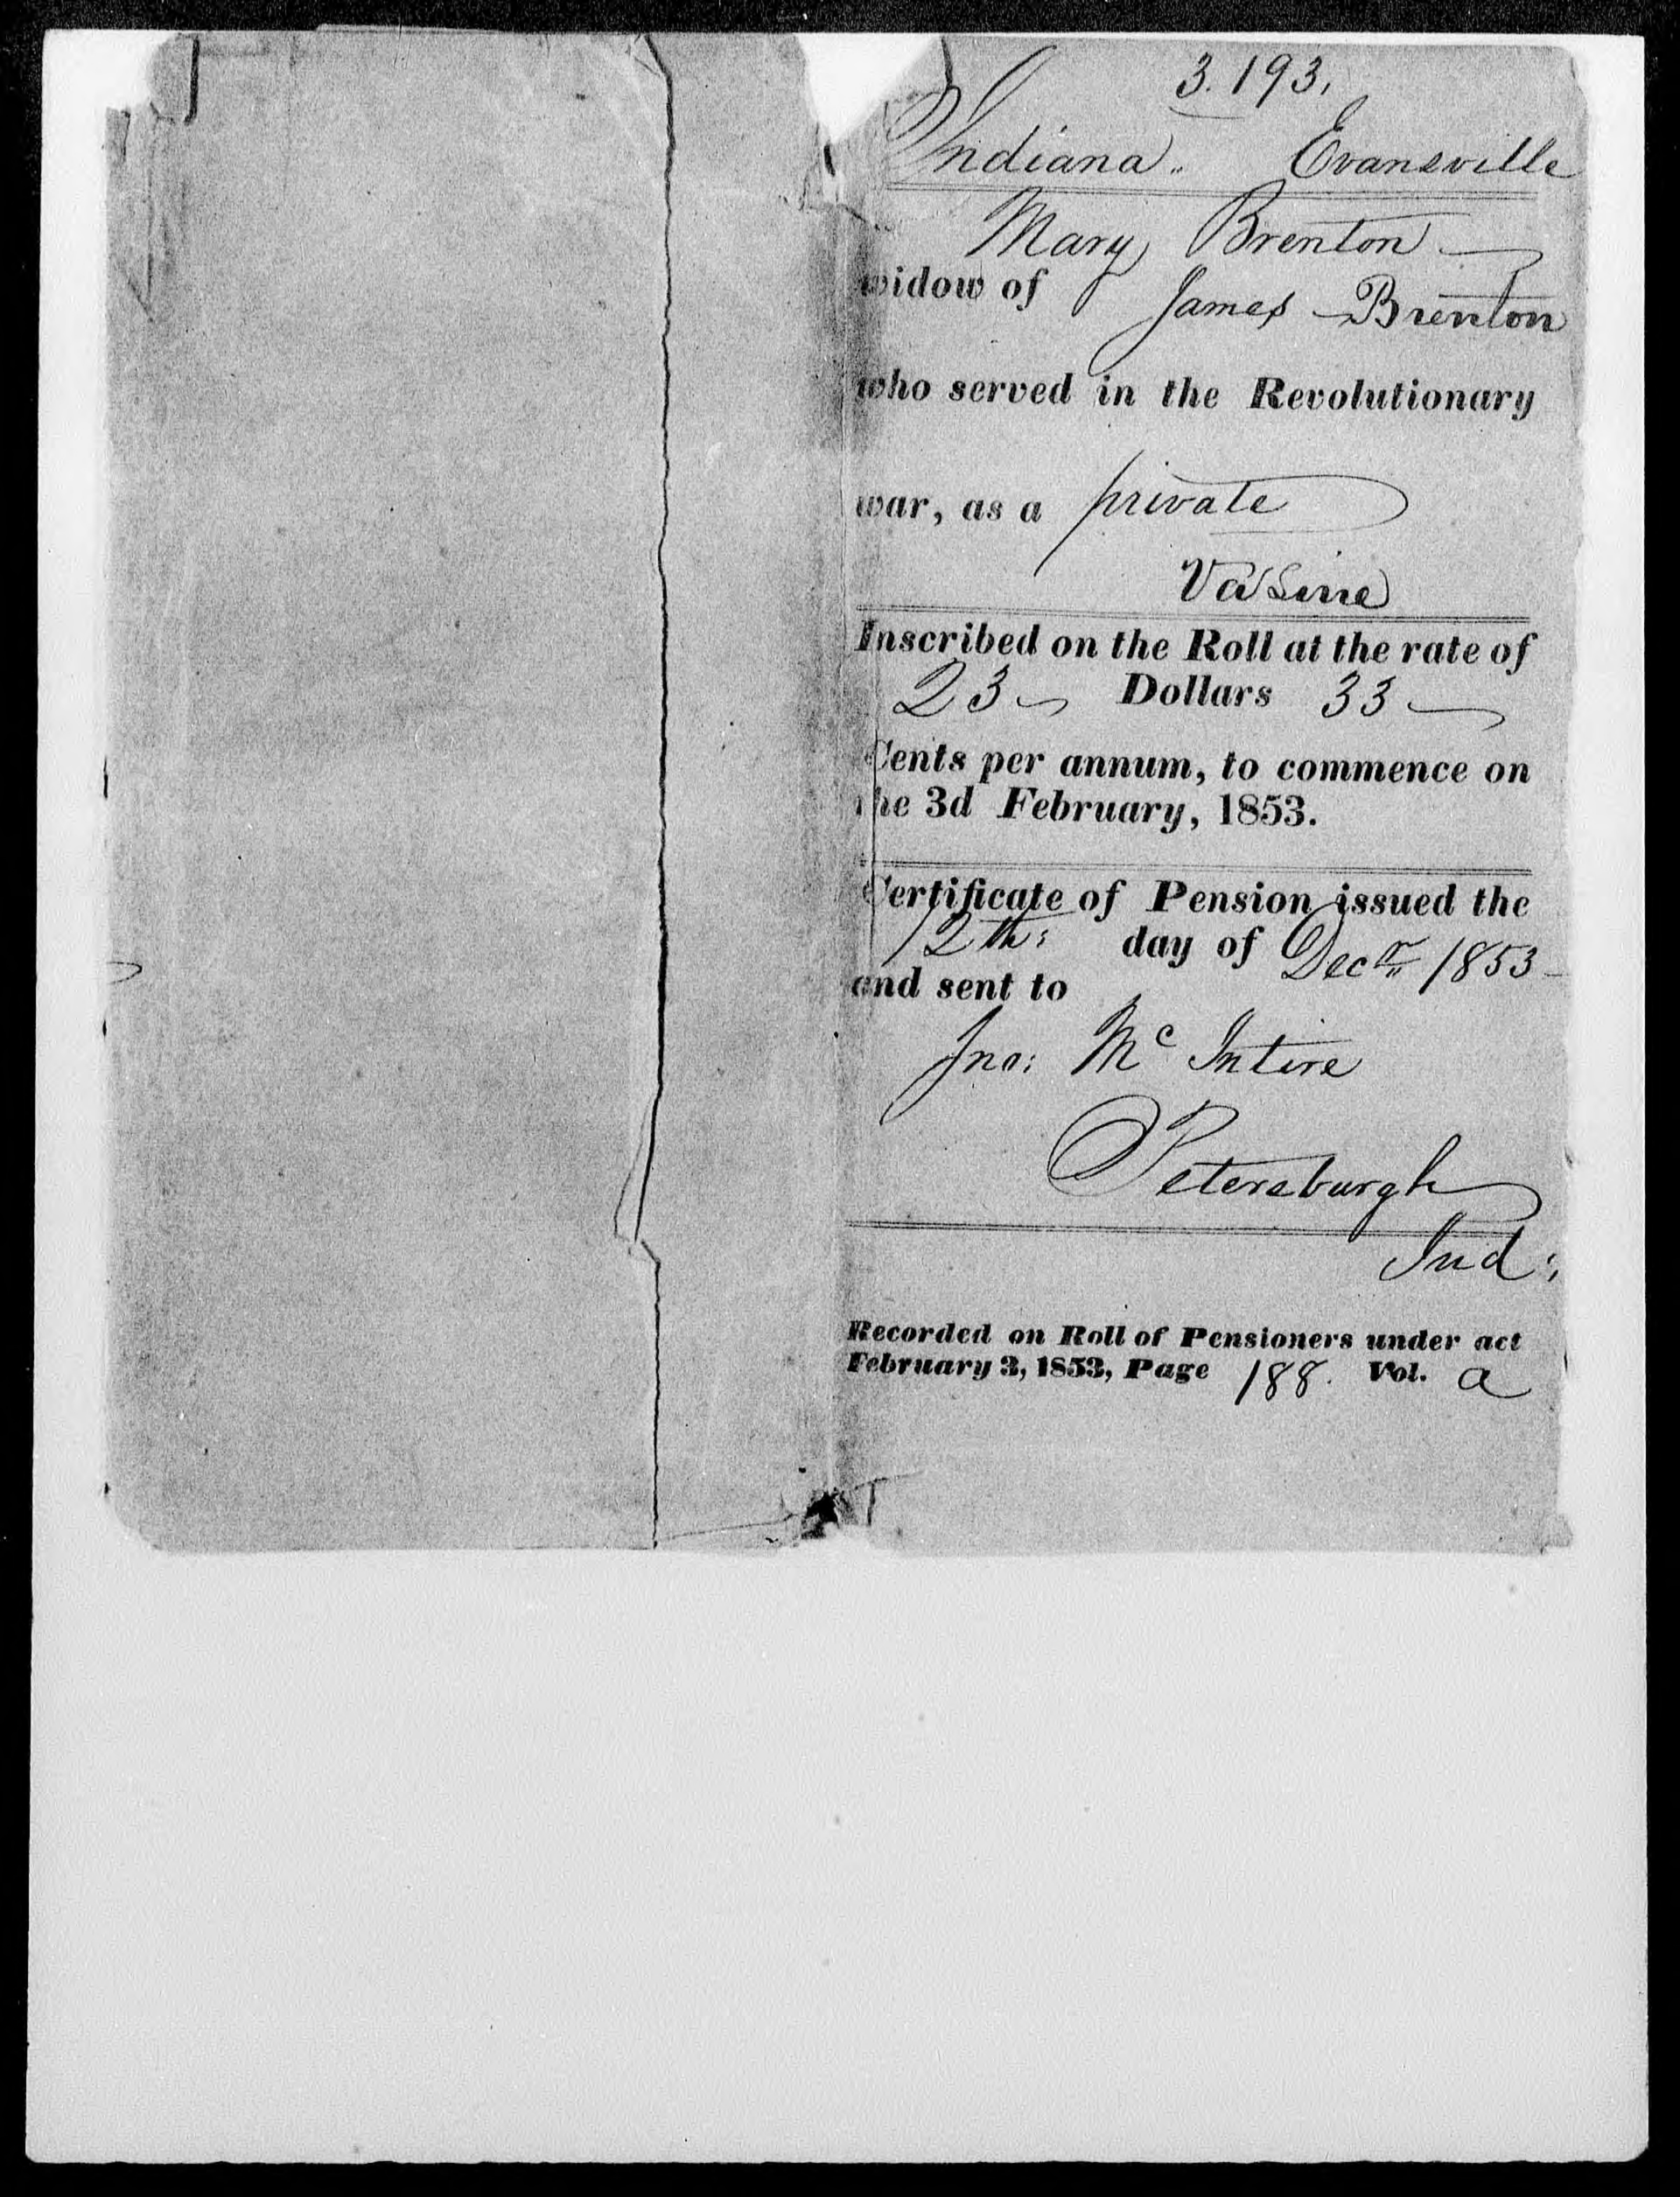3.193
Indiana Evansville
Mary Brenton widow of James Brenton who served in the Revolutionary war, as a private Va line
Inscribed on the Roll at the rate of 23 Dollars 33 Cents per annum, to commence on the 3rd February, 1853.
Certificate of Pension issued the 12th day of Dec.  1853 and sent to Jno. McIntire Petersburgh Ind.
Recorded on Roll of Pensioners under act February 3, 1853, Page 188. Vol. a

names: James Brenton, Mary Brenton, Jno Mc Intire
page: 3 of 49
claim: widow's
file: W. 2518, James Brenton, Va.